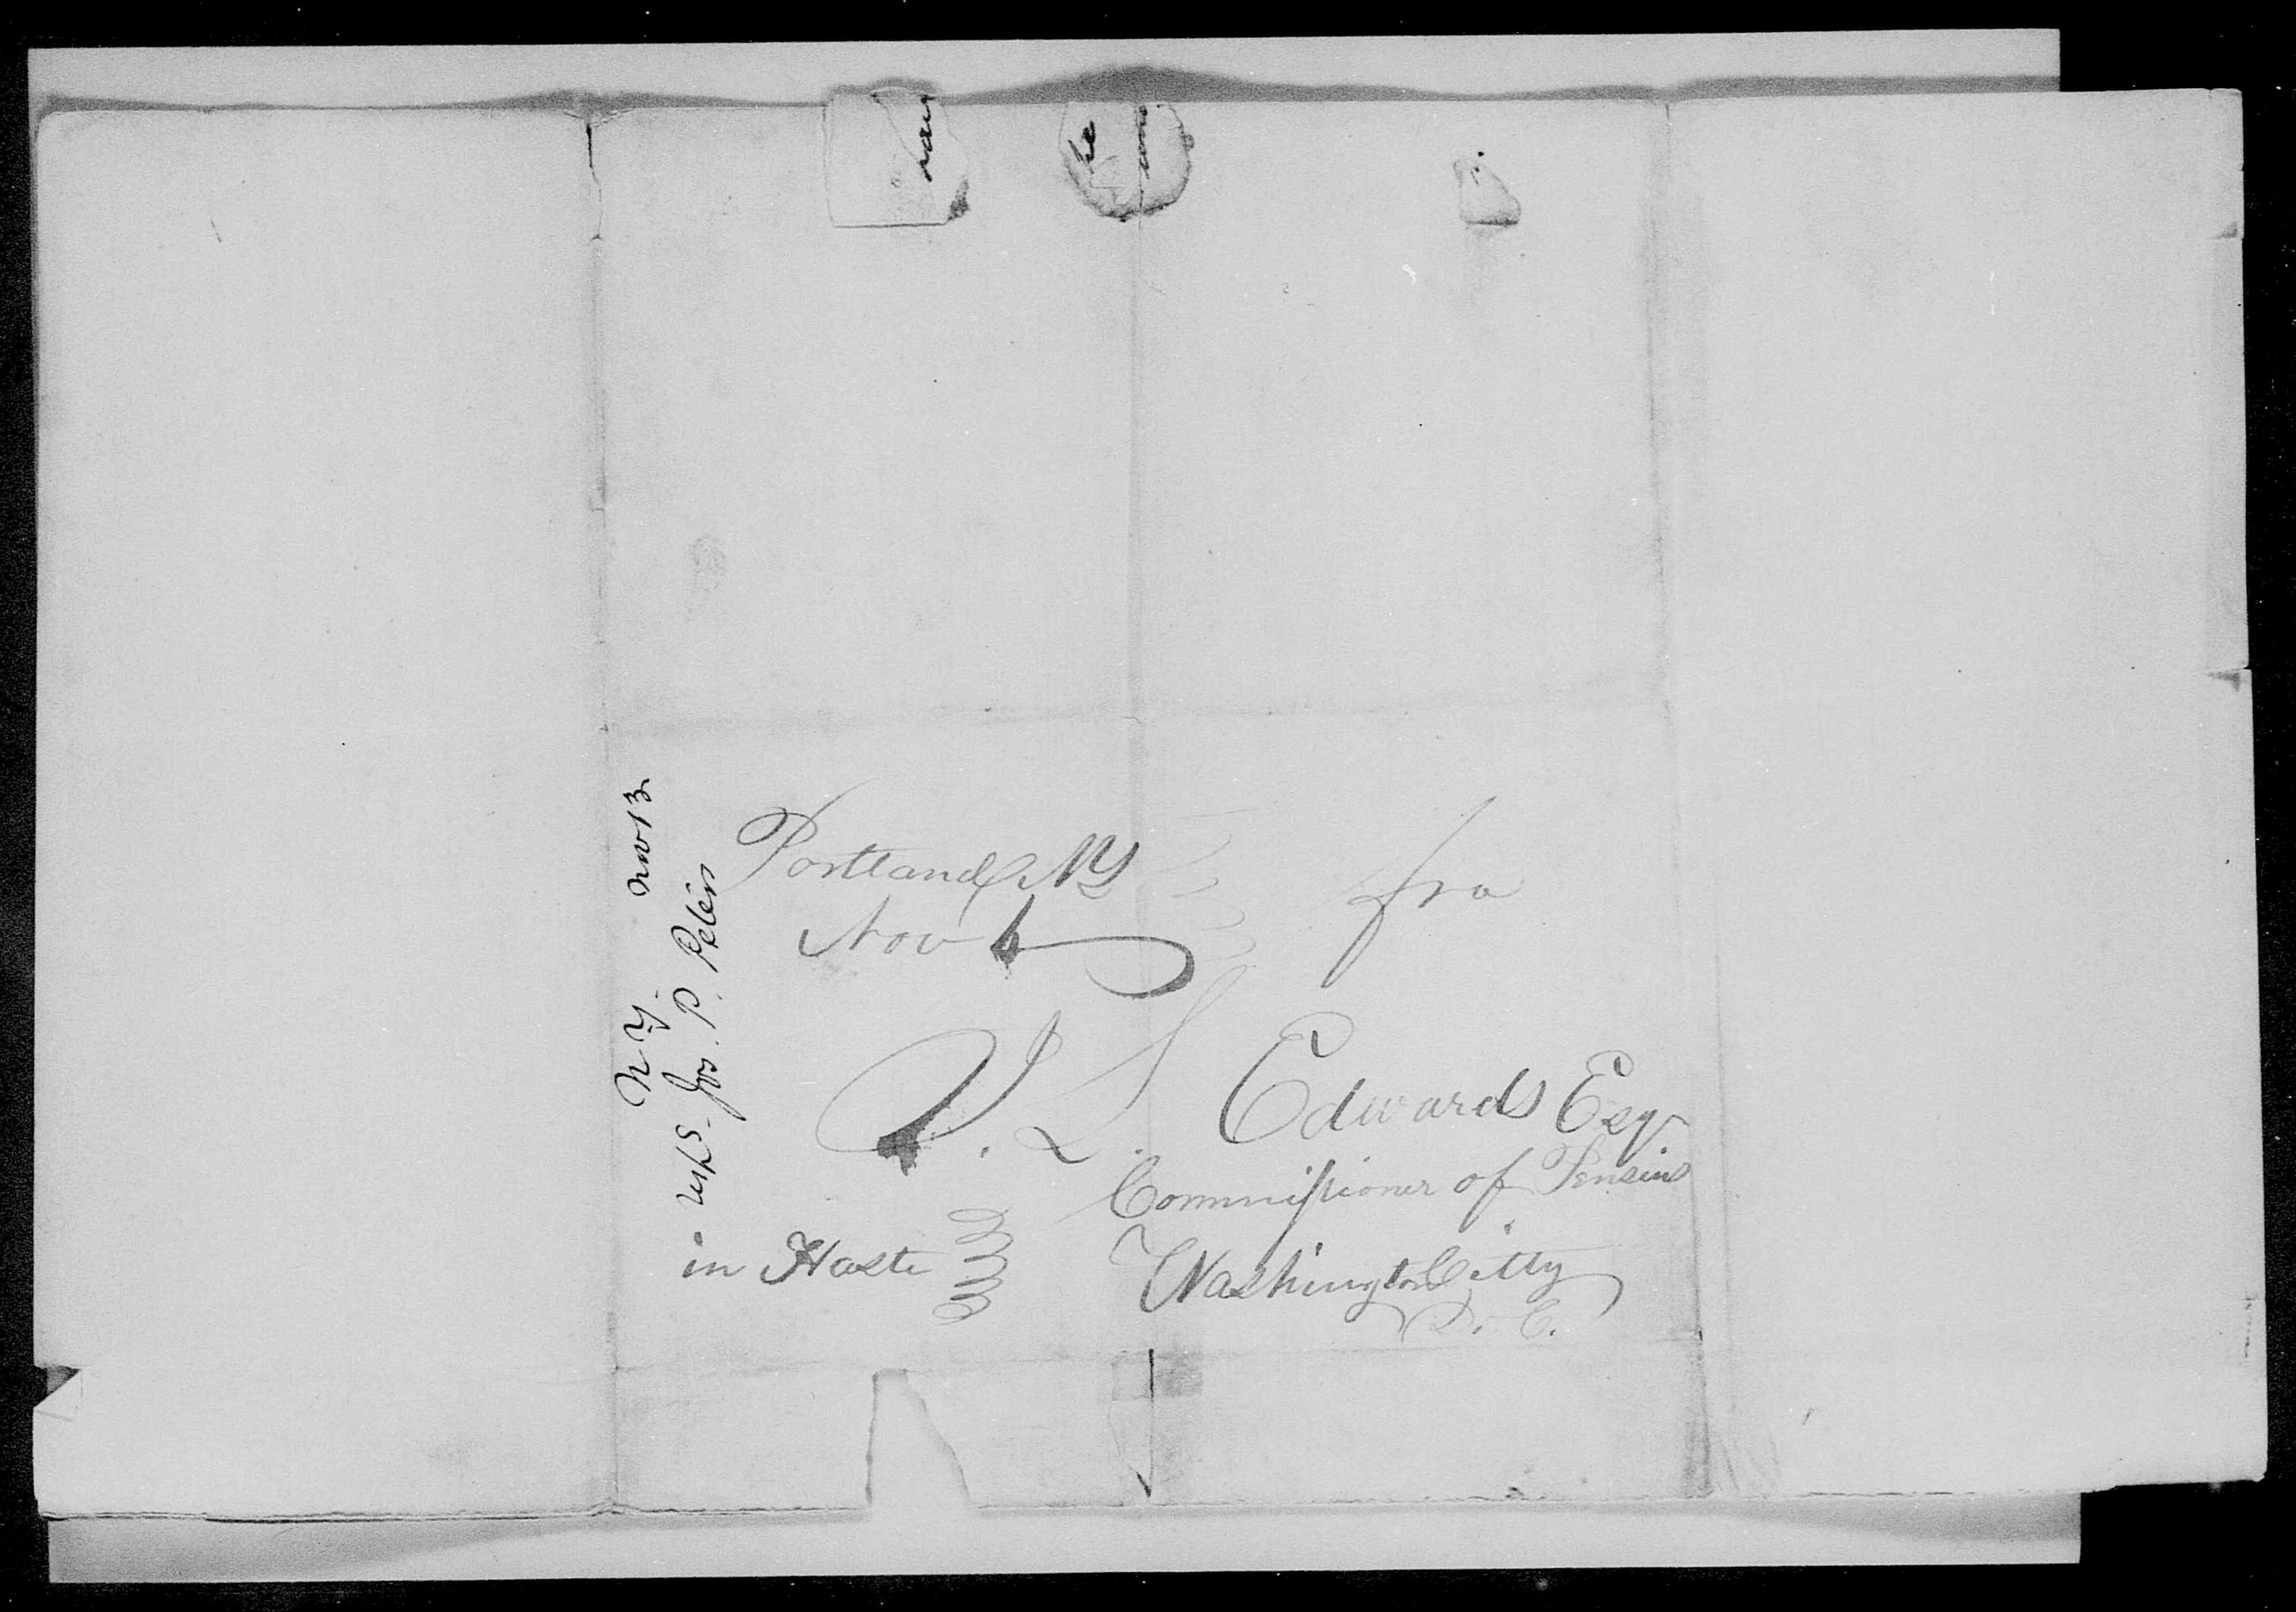N.Y. Nov 13
Resp Jos P. Peters
Portland NY
Nov 6
Free
J. L. Edwards Esq
Commissioner of Pensions
Washington City
In Haste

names: Jos P Peters; J L Edwards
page: 19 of 73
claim: widow's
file: W. 2338, for Joseph P Peters, Connecticut